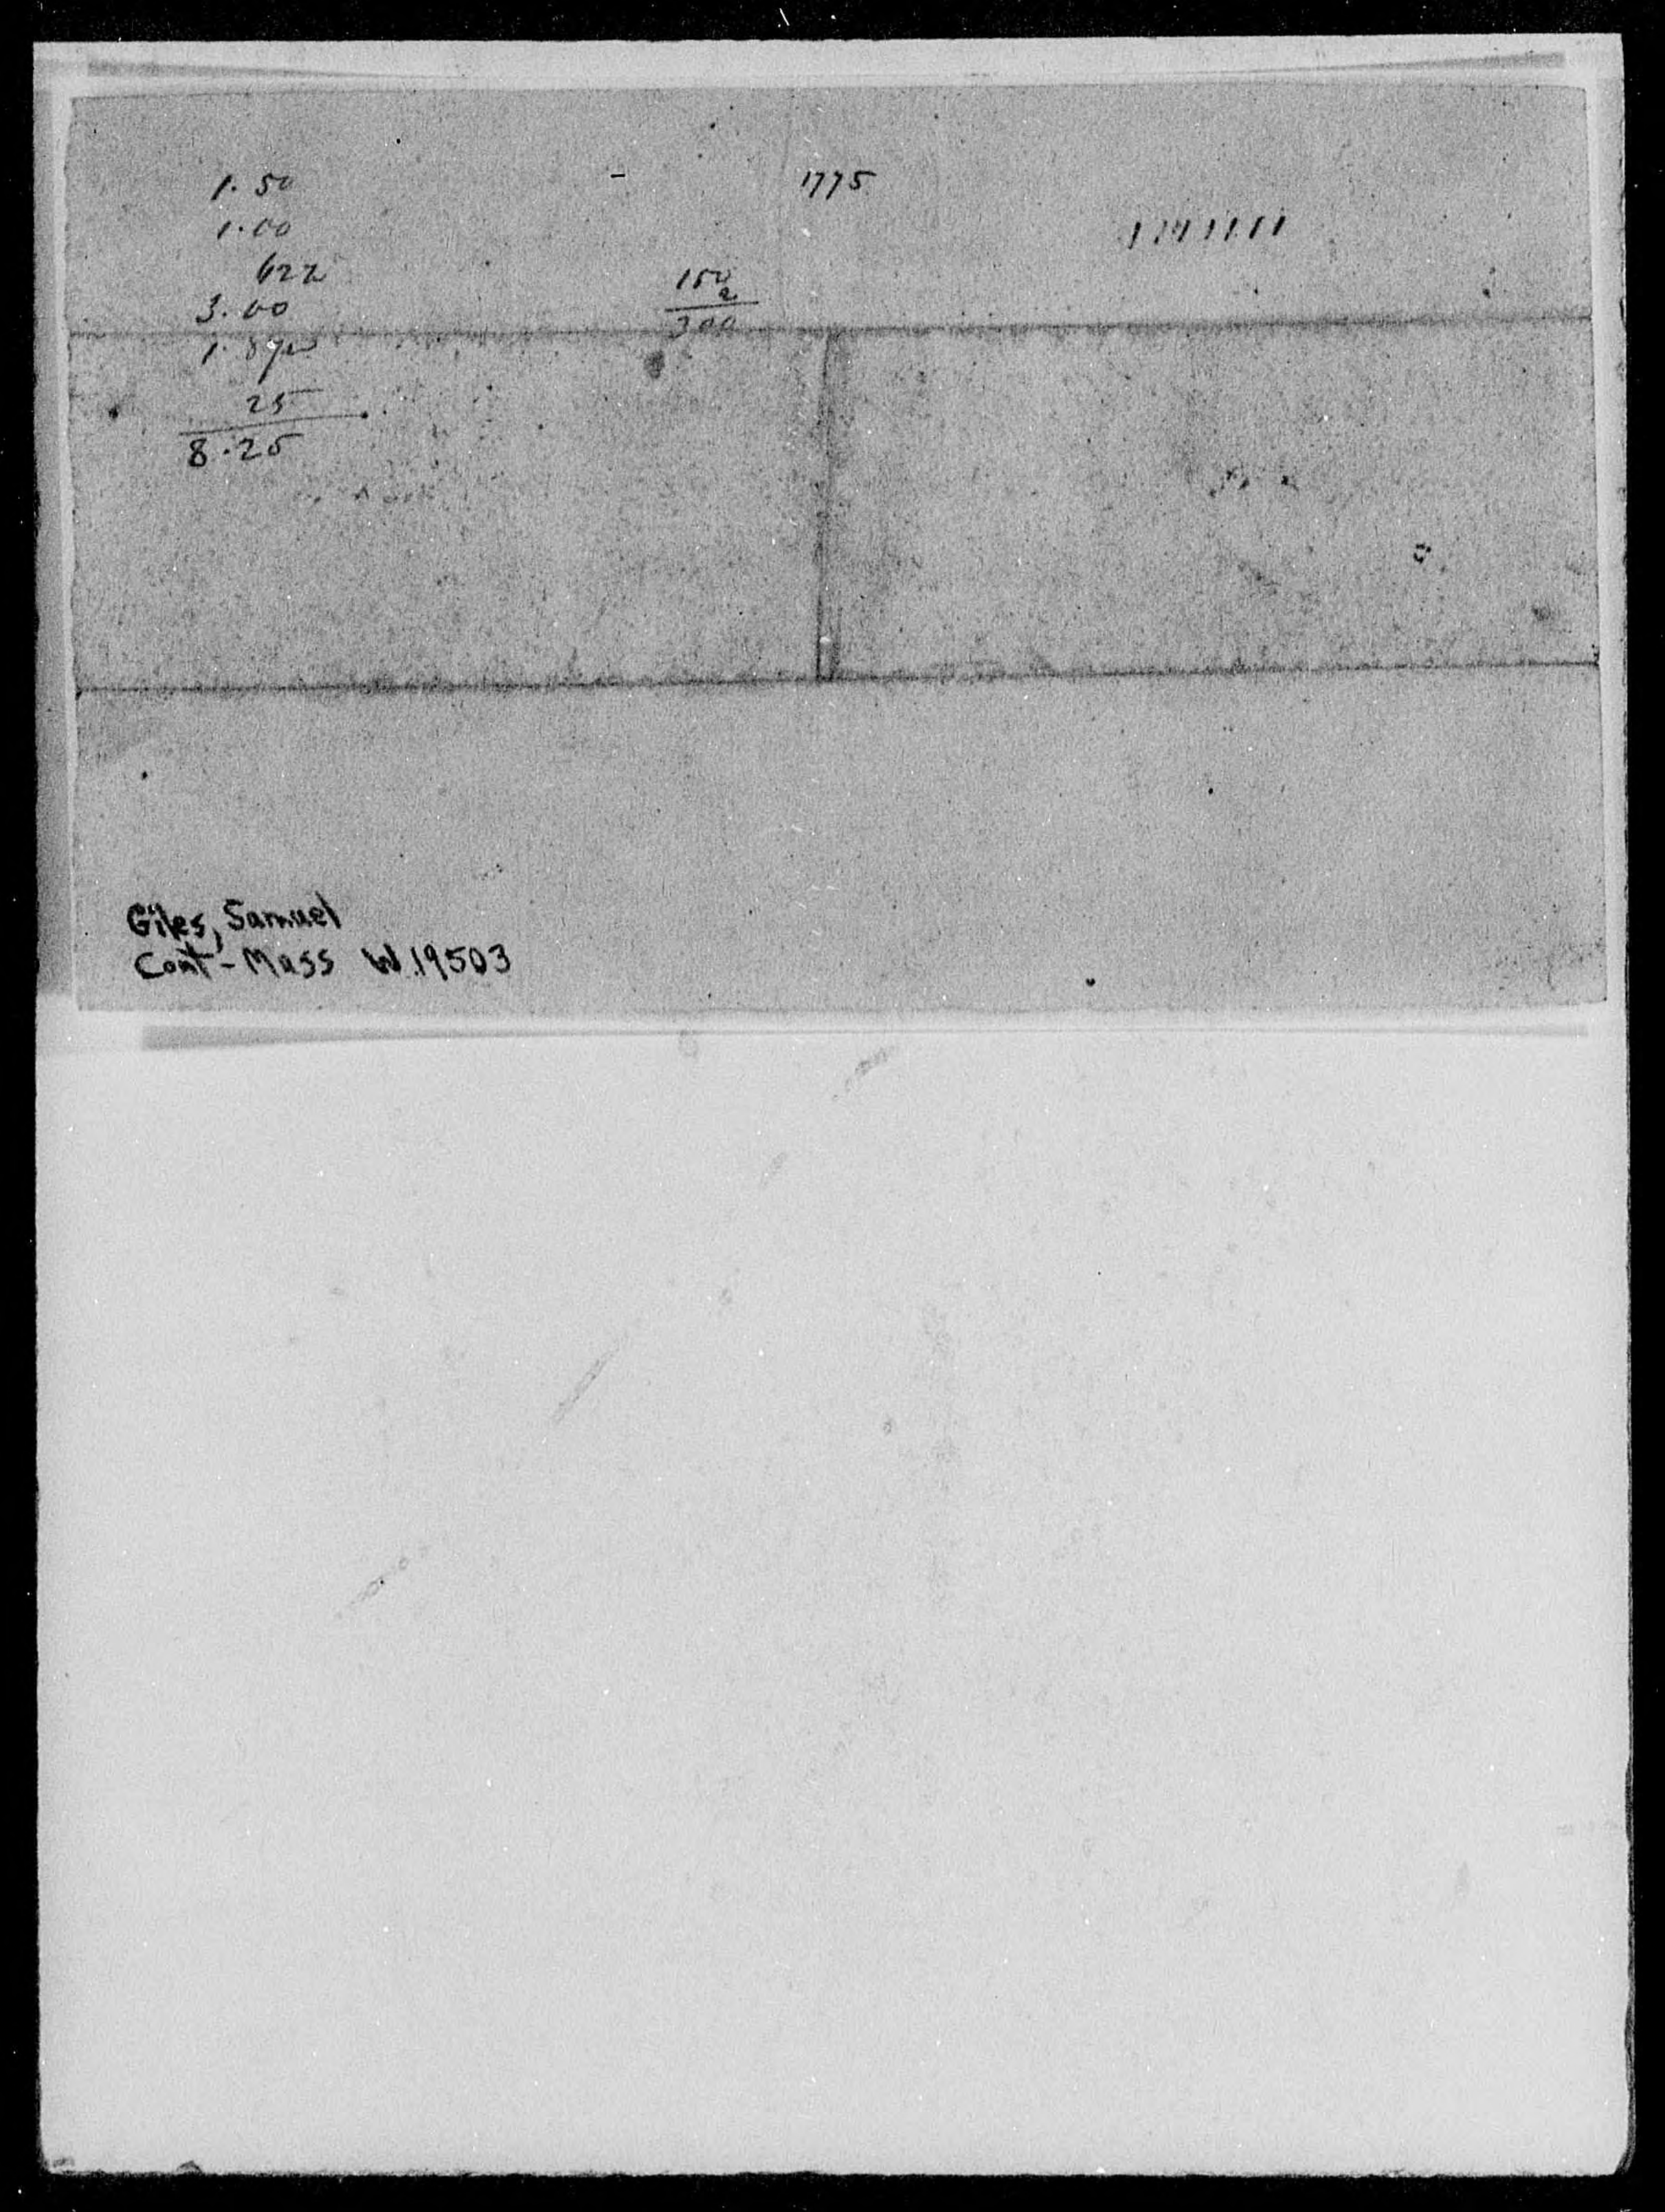1.50                          1775
1.00                                       1111111
   62 z
3.00                   150
1.87 w                    2
   25                   -----
------------         300
8.25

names: Samuel Giles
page: 29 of 55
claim: widow's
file: W. 19503, Samuel Giles, Conti. Mass. New York